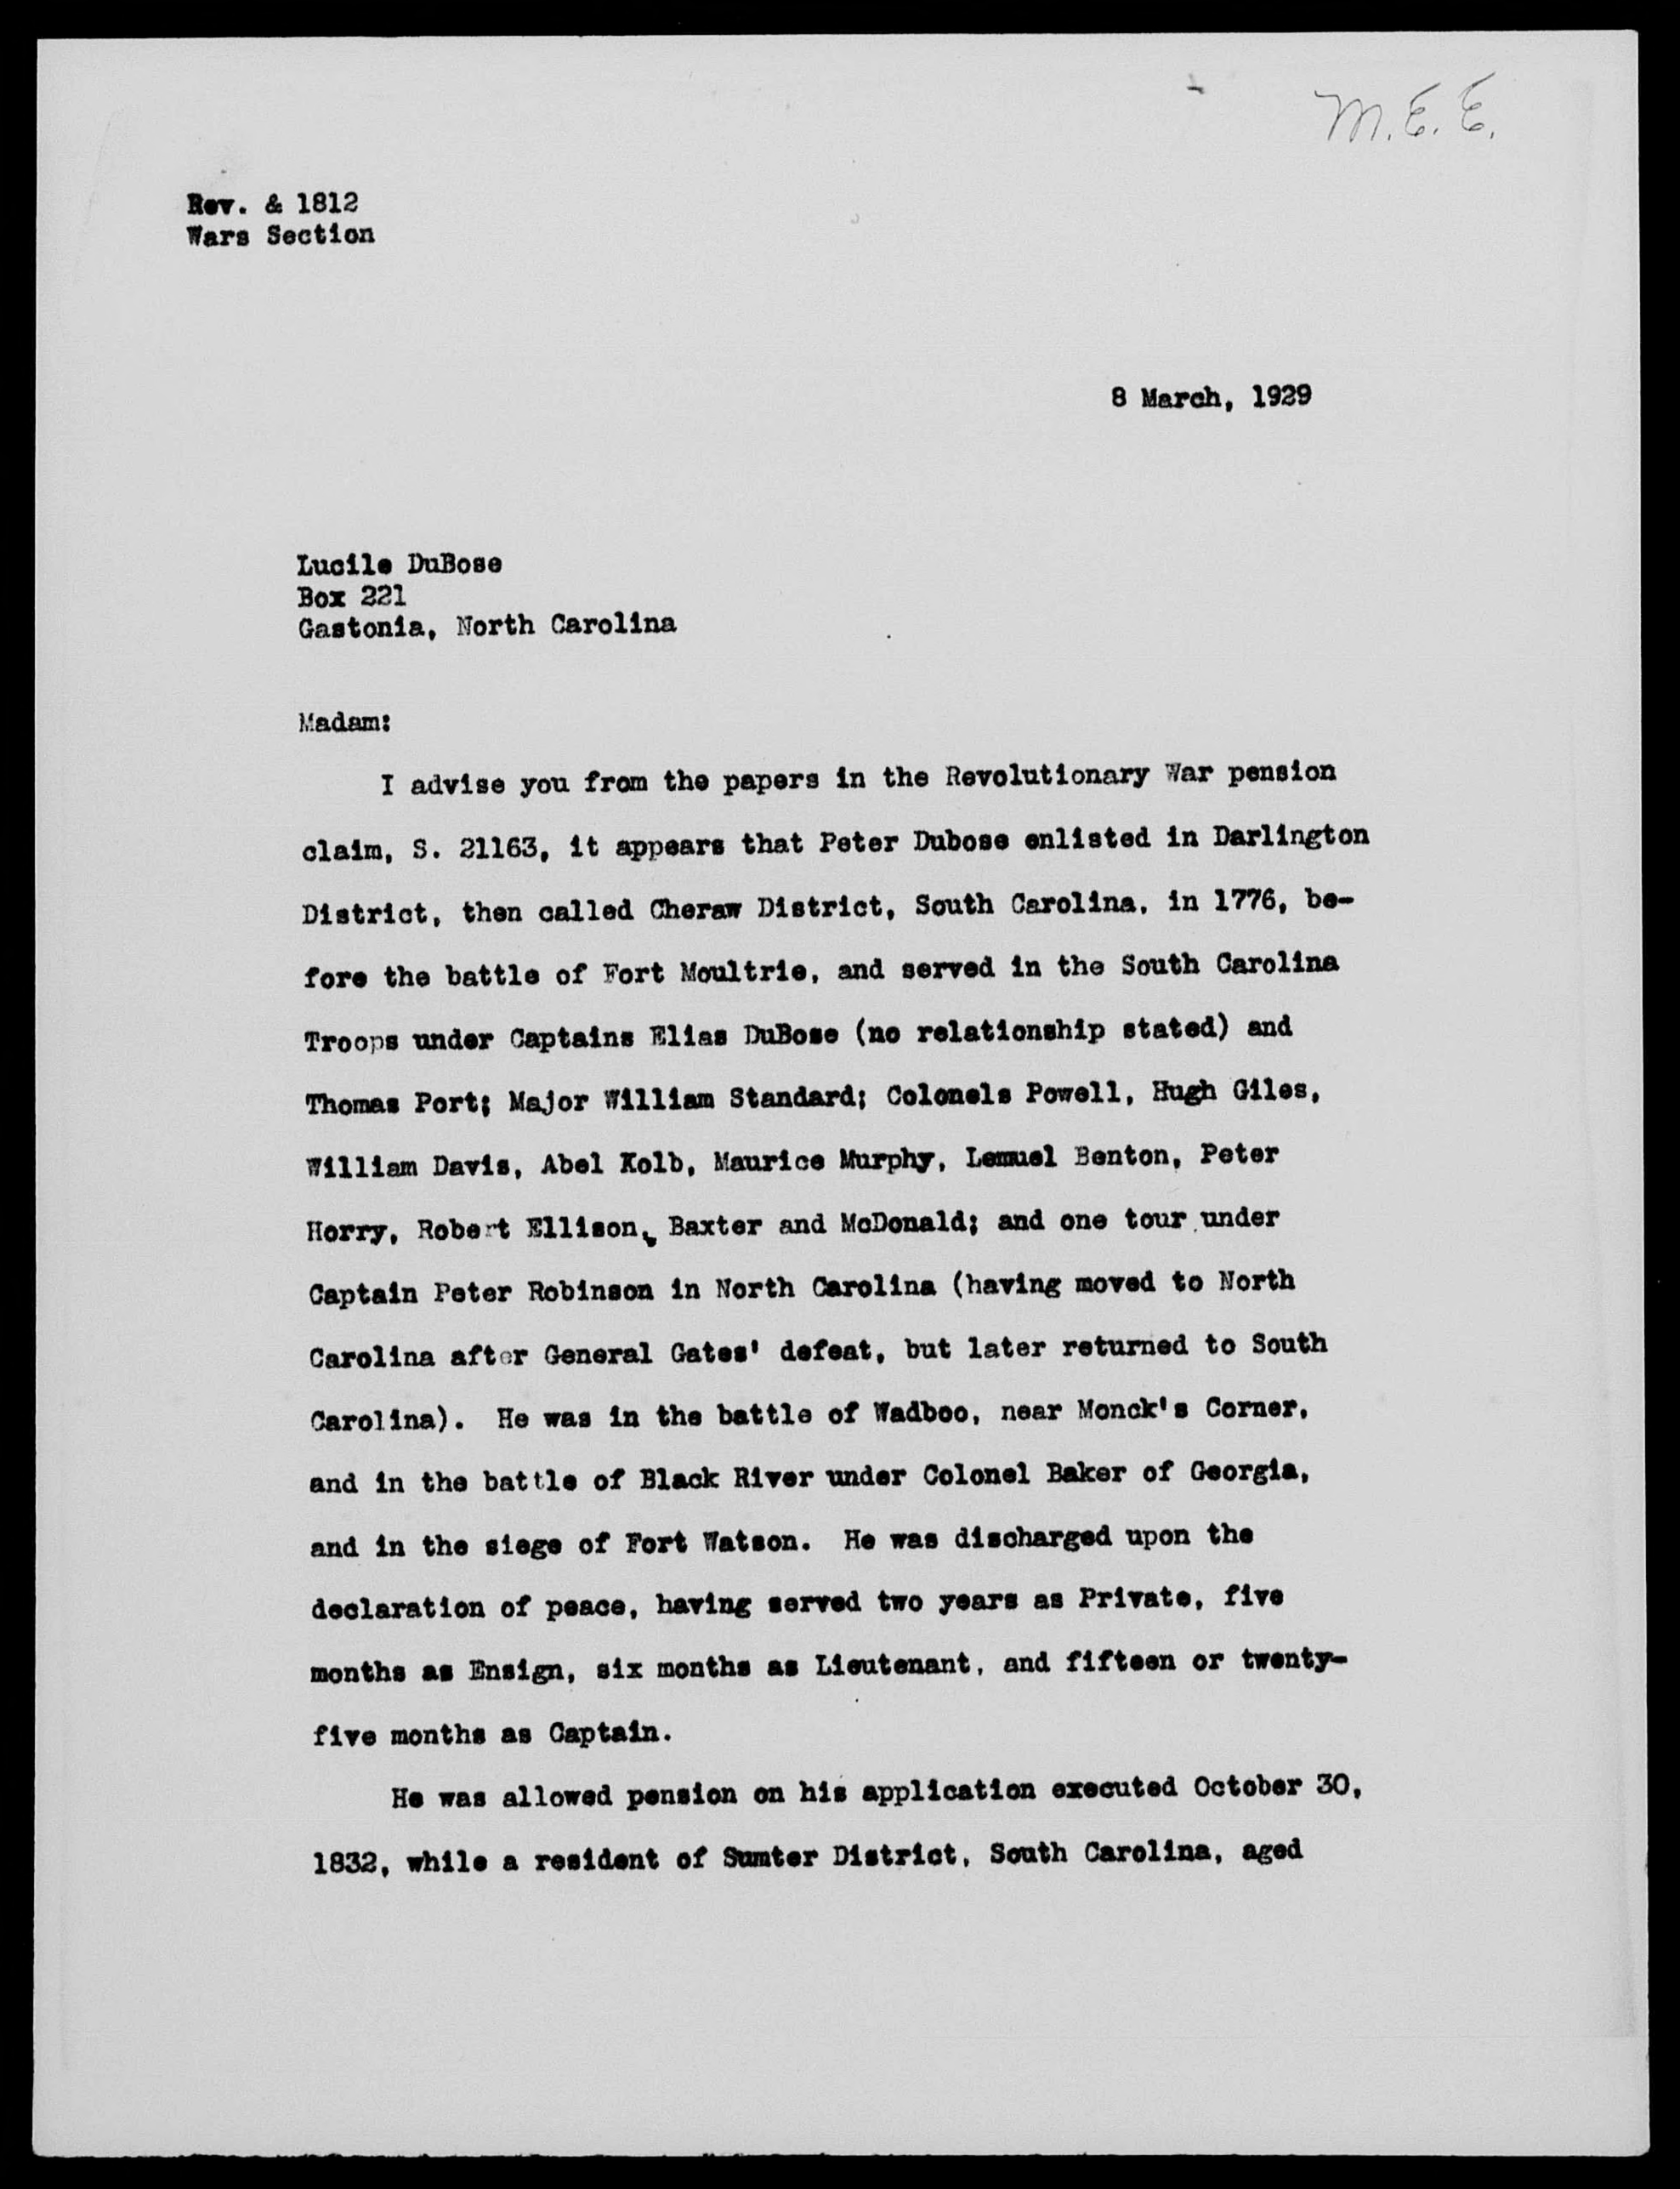[handwritten upper right corner]
M.E.E.

[typed]
Rev. & 1812
Wars Section

8 March, 1929

Lucile Dubose
Box 221
Gastonia, North Carolina

Madam:

I advise you from the papers in the Revolutionary War pension
claim, S. 21163, it appears that Peter Dubose enlisted in Darlington District, then called Cheraw District, South Carolina, in 1776, be
fore the battle of Fort Moultrie, and served in the South Carolina Troops under Captains Elias Dubose (no relationship stated) and
Thomas Port, Major William Standard; Colonels Powell, Hugh Giles, William Davis, Abel Kolb, Maurice Murphy, Lemuel Benton, Peter
Horry, Robert Ellison, Baxter and McDonald; and one tour under Captain Peter Robinson in North Carolina having moved to North Carolina after General Gates' defeat, but later returned to South Carolina. He was in the battle of Wadboo, near Monck's Corner,
and in the battle of Black River under Colonel Baker of Georgia, and in the siege of Fort Watson. He was discharged upon the
declaration of peace, having served two years as private, five months as Ensign, six months as Lieutenant, and fifteen or twenty-five months as Captain
He was allowed pension on his application executed October 30, 1832, while a resident of Sumter District, South Carolina, aged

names: Powell, William Standard, Baker, Gates, Peter Robinson, Peter Horry, William Davis, Mc Donald, Thomas Port, Maurice Murphy, Peter Dubose, Abel Kolb, Lemuel Benton, Elias Du Bose, Lucile Du Bose, Robert Ellison, Hugh Giles, Baxter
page: 42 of 43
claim: survivor's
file: S. 21163, Peter Dubose, S.C.